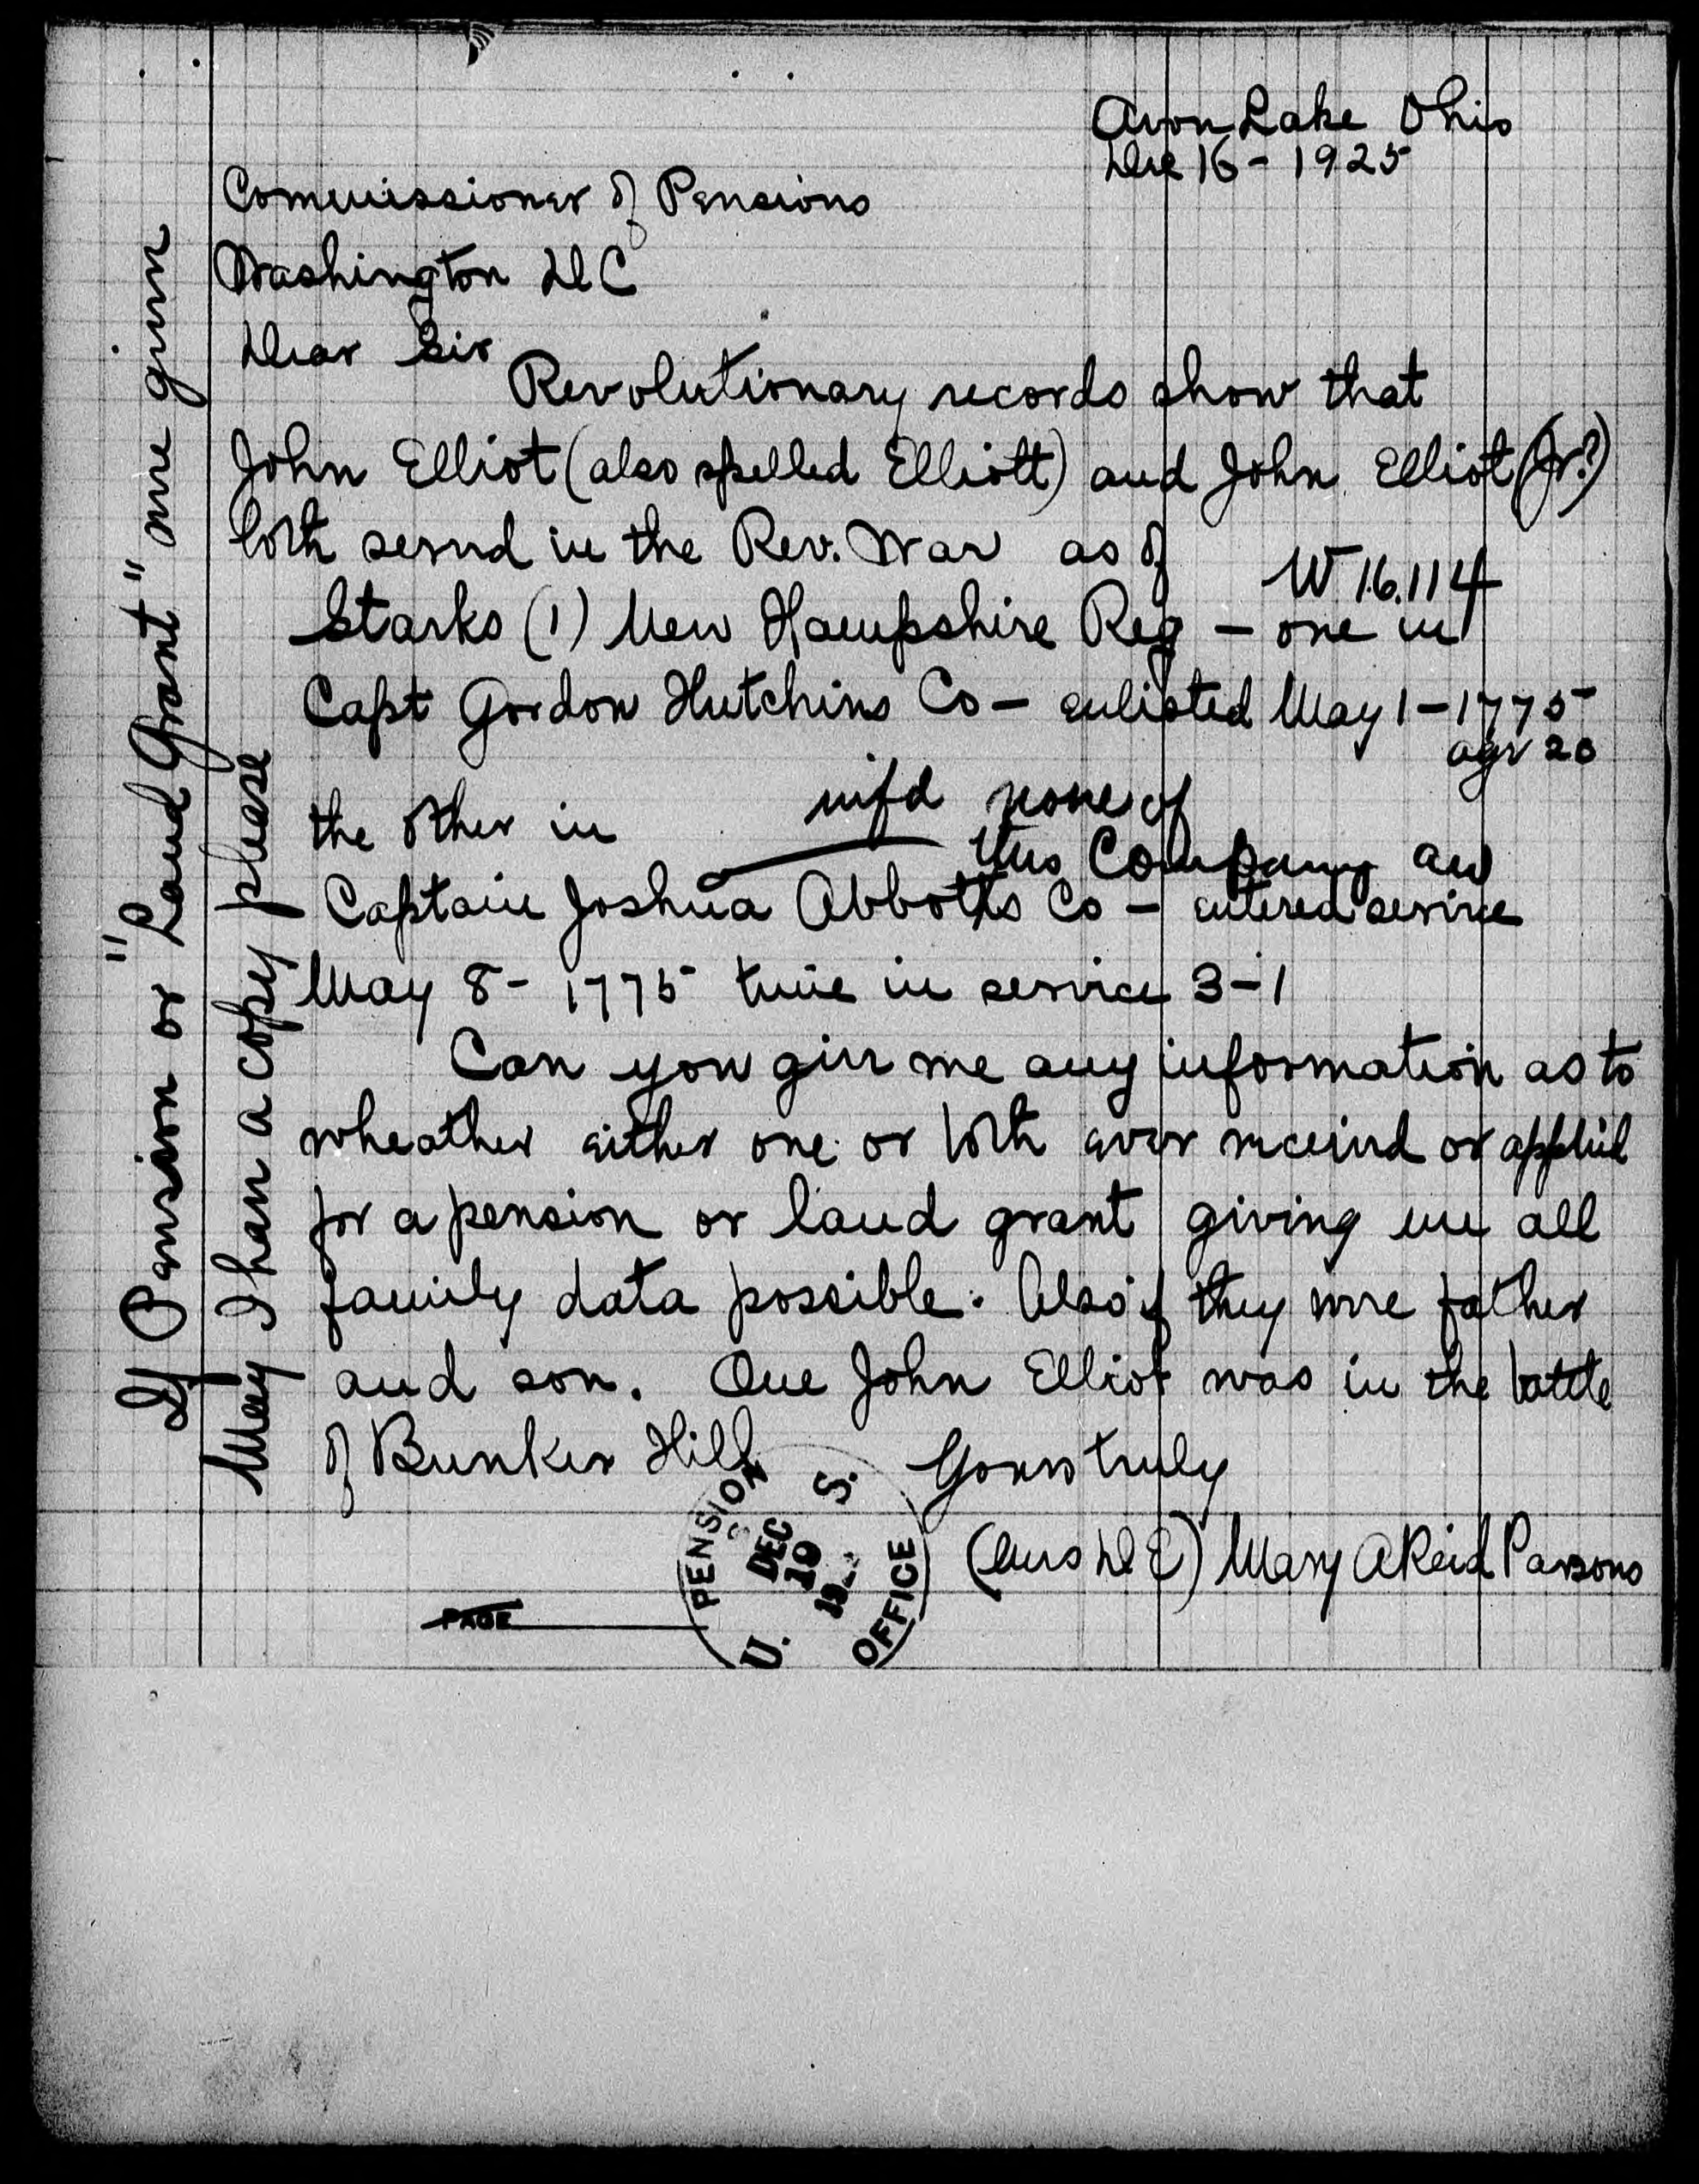If Pension or "Land Grant" are given
Avon Lake Ohio
Dec 16 1925
May I have a copy please

Commissioner of Pensions
Washington DC
Dear Sir
Revolutionary records show that
John Elliot (also spelled Elliott), and John Elliot (Jr.) both served in the Rev. War
as of Starks (1) New Hampshire Reg - one in
W 16.114 
Capt Gordon Hutchins Co - enlisted May 1 1775 [illegible] 20
the other in [illegible] none of this company and 
 Captain Joshua Abbott Co - Entered [illegible]
May 8 - 1775 time in service 3 - 1

Can you give me any information as to
whether either one or both ever received or applied for a pension or land grant giving we all family data possible. Also they were father
and son. One John Elliot was in the battle
of Bunker Hill
by
Yours truly
[illegible D E]
(us D E) Mary A Reid Parsons
[seal affixed]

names: John Elliot, John Elliot, John Elliot, John Elliott, Mary A Reid Parsons, D E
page: 20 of 57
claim: widow's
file: W. 16,114, John Elliot, Continental (Mass) N.H.